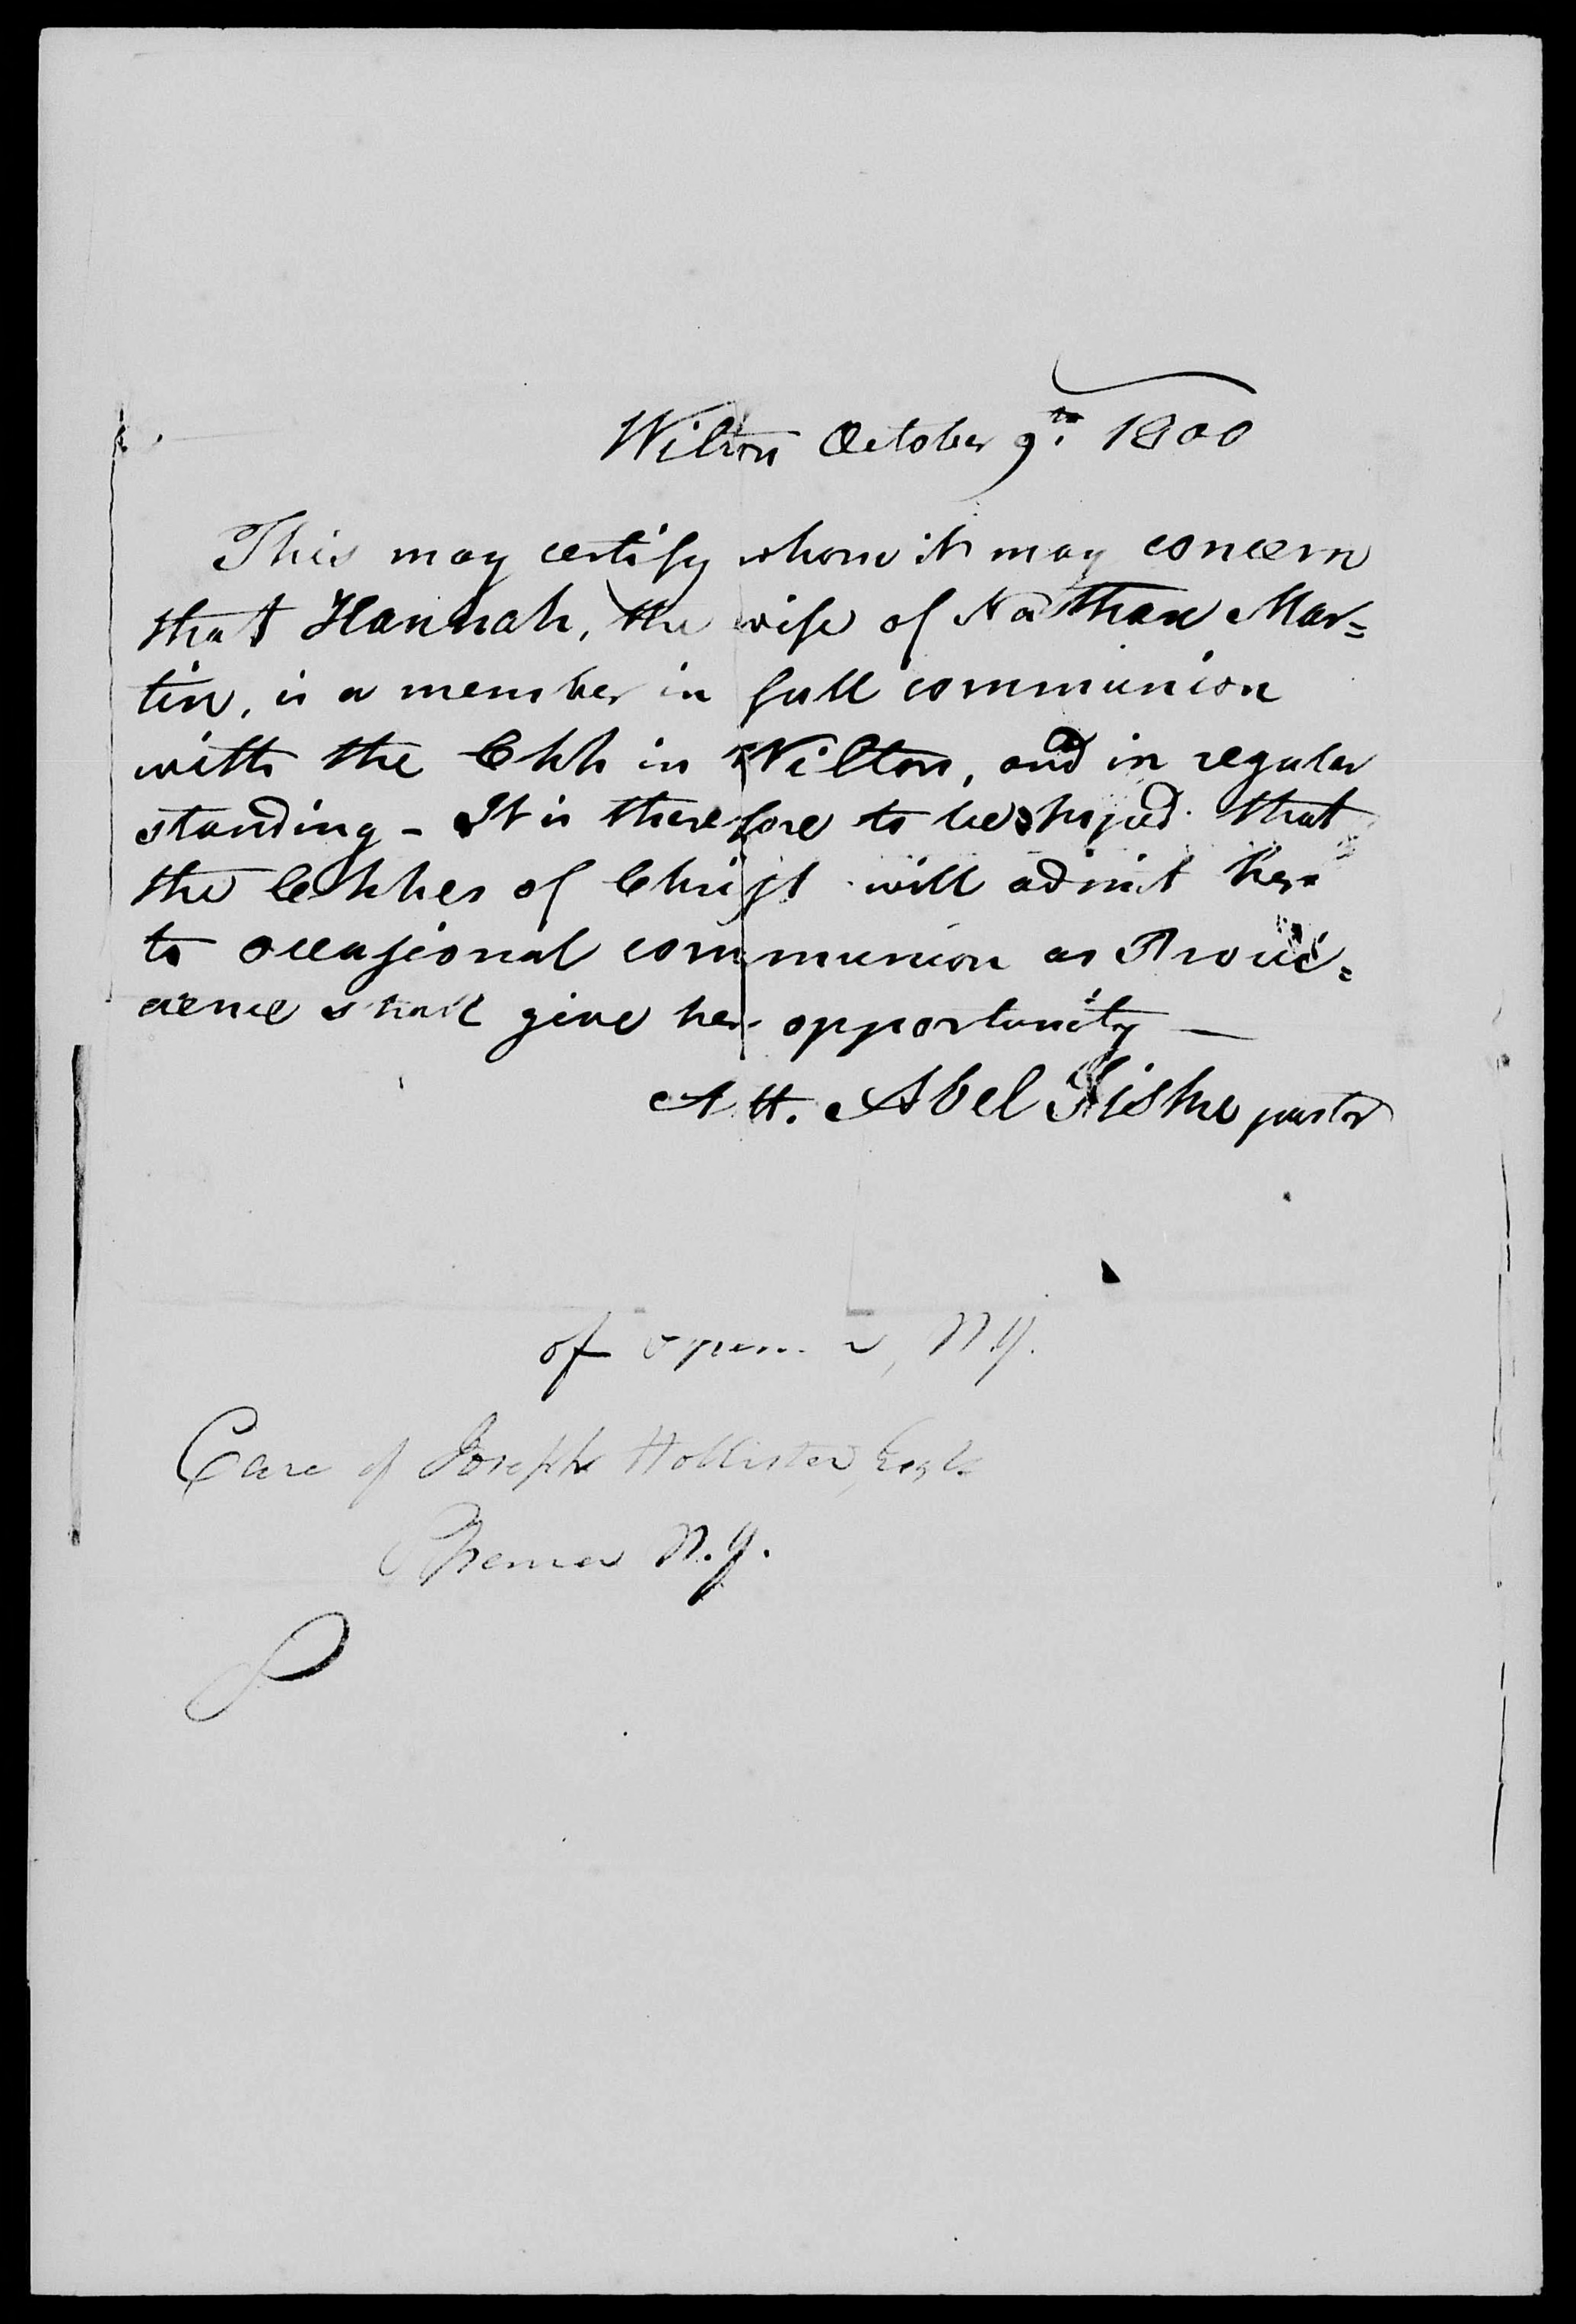Wilton October 9th [1800?]
This may certify whom it may concern
that Hannah, the wife of Nathan Martin,
is a member of full communion
with the Chh in Wilton, and in regular
standing- It is therefore to be [?] that
the [?] of Christ will admit her
to occassional communion as [Providence?]
shall give her opportunity -
A H. Abel Fishel pastor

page: 14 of 30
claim: widow's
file: W. 23,904, for Nathan Martin, New Hampshire